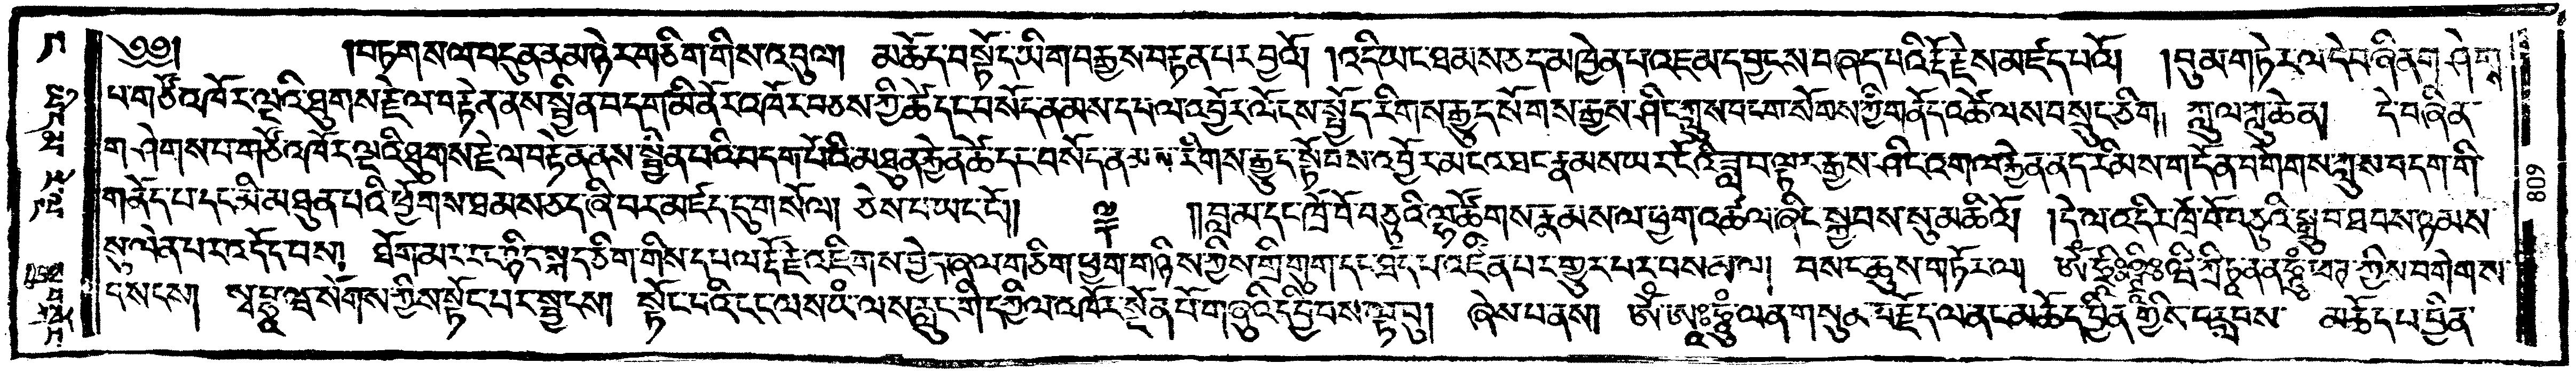༄༅། །བཏགས་ལ་བདུན་ནམ་ཉེར་གཅིག་གིས་འབུལ། མཆོད་བསྟོད་ཡིག་བརྒྱས་བརྟན་པར་བྱའོ། །འདི་ཡང་ཐམས་ཅད་མཁྱེན་པ་འཇམ་དབྱངས་བཞད་པའི་རྡོ་རྗེས་མཛད་པའོ། །བུམ་གཏེར་ལ་དེ་བཞིན་གཤེགས་
པ་གཙོ་འཁོར་ལྔའི་ཐུགས་རྗེ་ལ་བརྟེན་ནས་སྦྱིན་བདག་མི་ནོར་འཁོར་བཅས་ཀྱི་ཚེ་དང་བསོད་ནམས་དཔལ་འབྱོར་ལོངས་སྤྱོད་རིགས་རྒྱུད་སོགས་རྒྱས་ཤིང་ཀླུས་བདག་སོགས་ཀྱི་གནོད་འཚེ་ལས་བསྲུང་ཅིག། ཀླུ་ལ་ཀླུ་ཆེན། དེ་བཞིན་
གཤེགས་པ་གཙོ་འཁོར་ལྔའི་ཐུགས་རྗེ་ལ་བརྟེན་ནས་སྦྱིན་པའི་བདག་པོའི་མཐུན་རྐྱེན་ཚེ་དང་བསོད་ནམས་རིགས་རྒྱུད་སྟོབས་འབྱོར་མངའ་ཐང་རྣམས་ཡར་ངོའི་ཟླ་བ་ལྟར་རྒྱས་ཤིང་འགལ་རྐྱེན་ནད་རིམས་གདོན་བགེགས་ཀླུས་བདག་གི་
གནོད་པ་དང་མི་མཐུན་པའི་ཕྱོགས་ཐམས་ཅད་ཞི་བར་མཛད་དུ་གསོལ། ཅེས་པ་ཡང་ངོ།། ༈ །།བླ་མ་དང་ཁྲོ་བོ་བཅུའི་ལྷ་ཚོགས་རྣམས་ལ་ཕྱག་འཚལ་ཞིང་སྐྱབས་སུ་མཆིའོ། །དེ་ལ་འདིར་ཁྲོ་བོ་བཅུའི་སྒྲུབ་ཐབས་ཉམས་
སུ་ལེན་པར་འདོད་པས། ཐོག་མར་རང་ཉིད་སྐད་ཅིག་གིས་དཔལ་རྡོ་རྗེ་འཇིགས་བྱེད་ཞལ་གཅིག་ཕྱག་གཉིས་ཀྱིས་གྲི་གུག་དང་ཐད་པ་འཛིན་པར་གྱུར་པར་བསམ་ལ། བསང་ཆུས་གཏོར་ལ། ཨོཾ་ཧྲཱིཿ གྱིཿ ཝི་ཀྲི་ཏཱ་ན་ན་ཧཱུཾ་ཕཊ་ཀྱིས་བ་གེགས་
བསངས། སྭ་བྷཱ་ཝ་སོགས་ཀྱིས་སྟོང་པར་སྦྱངས། སྟོང་བའི་ངང་ལས་ཡཾ་ལས་རླུང་གི་དཀྱིལ་འཁོར་སྔོན་པོ་གཞུའི་དབྱིབས་ལྟ་བུ། ཞེས་པ་ནས། ཨོཾ་ཨཱཿ ཧཱུཾ་ལན་གསུམ་བརྗོད་ལན་ནང་མཆོད་བྱིན་གྱིས་བརླབས་མཆོད་བ་བྱིན་